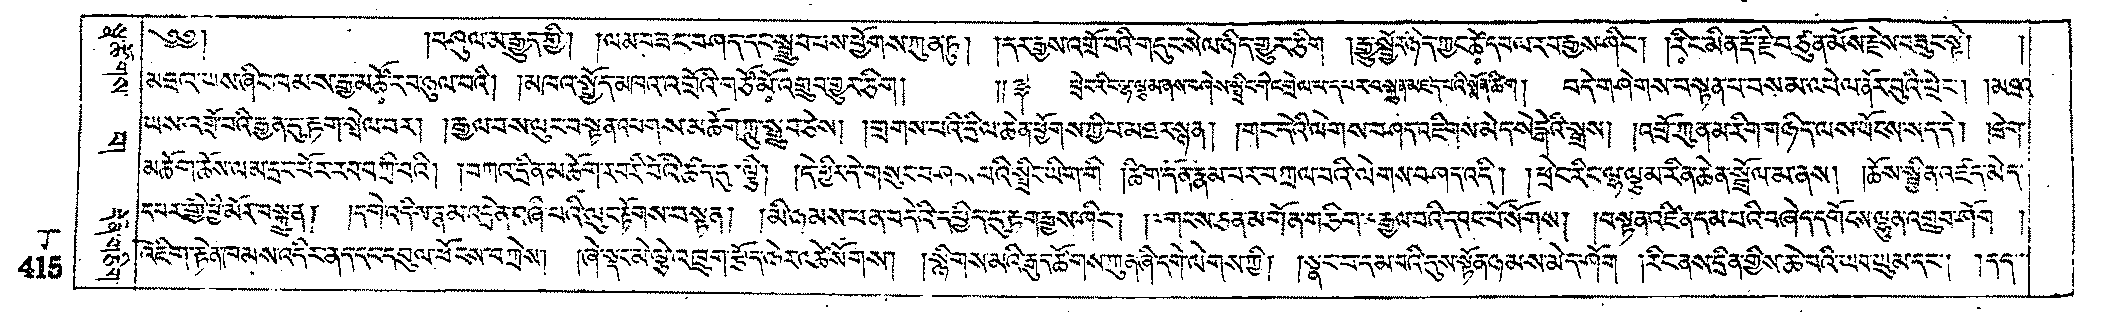༄༅། །བཤུལ་མ་རྒྱུད་ཀྱི། །ལམ་བཟང་བཤད་དང་སྒྲུབ་པས་ཕྱོགས་ཀུན་ཏུ། །དར་རྒྱས་འགྲོ་བའི་གདུང་སེལ་ཉིད་གྱུར་ཅིག །རྒྱུ་སྦྱོར་ཉིད་ཀྱང་ཚེ྾་དཔལ་རབ་རྒྱས་ཤིང་། །རིང྾་མིན་རྡོ་རྗེ་བཙུན་མོས་རྗེས་བཟུང་སྟེ། །
མཐའ་ཡས་ཞིང་ཁམས་རྒྱ་མཚོ྾་རབ་ཉུལ་བའི། །མཁའ་སྤྱོད་མཁའ་འགྲོའི་གཙོ་མོ྾་འགྲུབ་གྱུར་ཅིག། །། འ་ཕྲེང་རིང་ལྷ་ལྕམ་ནས་བཤེས་སྤྲིང་གི་འགྲེལ་པ་དཔར་བསྐྲུན་མཛད་པའི་སྨོན་ཚིག །  བདེ་གཤེགས་བསྟན་པ་བསམ་འཕེལ་ནོར་བུའི་ཕྲེང་། །མཐའ་
ཡས་འགྲོ་བའི་རྒྱན་དུ་རྟག་སྤེལ་བར། །རྒྱལ་བས་ལུང་བསྟན་འཕགས་མཆོག་ཀླུ་སྒྲུབ་ཅེས། །གྲགས་པའི་དྲིལ་ཆེན་ཕྱོགས་ཀྱི་ཕ་མཐར་སྙན། །གང་དེའི་ལེགས་བཤད་འཇིགས་མེད་སེངྒེའི་སྒྲས། །འགྲོ་ཀུན་མ་རིག་གཉིད་ལས་ཡོངས་སད་དེ། །ཐེག་
མཆོག་ཆོས་ལམ་དྲང་པོར་རབ་བཀྲི་བའི། །བཀའ་དྲིན་མཆོག་རབ་རི་བོའི་ཚད་དུ་ལྕི། །དེ་ཕྱིར་དེ་གསུང་བཤད་པའི་སྤྲིང་ཡིག་གི །ཚིག་དོན་རྣམ་པར་བཀྲལ་བའི་ལེགས་བཤད་འདི། །ཕྲེང་རིང་ལྷ་ལྕམ་རིན་ཆེན་སྒྲོལ་མ་ནས། །ཆོས་སྦྱིན་འཛད་མེད་
དཔར་གྱི་ཕྱི་མོར་བསྐྲུན། །དགེ་འདིས་རྣམ་འདྲེན་བཞི་པའི་ལུང་རྟོགས་བསྟན། །མི་ཉམས་ཕན་བདེའི་དཔྱིད་དུ་རྟག་རྒྱས་ཤིང་། །༧གངས་ཅན་མགོན་གཅིག ༧རྒྱལ་བའི་དབང་པོ་སོགས། །བསྟན་འཛིན་དམ་པའི་བཞེད་དགོངས་ལྷུན་འགྲུབ་ཤོག །
འཇིག་རྟེན་ཁམས་འདིར་ནད་དང་དབུལ་ཕོངས་བཀྲེས། །ཞེ་སྡང་མེ་ལྕེ་འཁྲུག་རྩོད་ཉེར་འཚེ་སོགས། །སྙིགས་མའི་རྒུད་ཚོགས་ཀུན་ཞི་དགེ་ལེགས་ཀྱི། །སྣང་བ་དམ་པའི་དུས་སྟོན་ཉམས་མེད་ཤོག །རིང་ནས་དྲིན་གྱིས་ཆེ་བའི་ཡབ་ཡུམ་དང་། །དད་་་